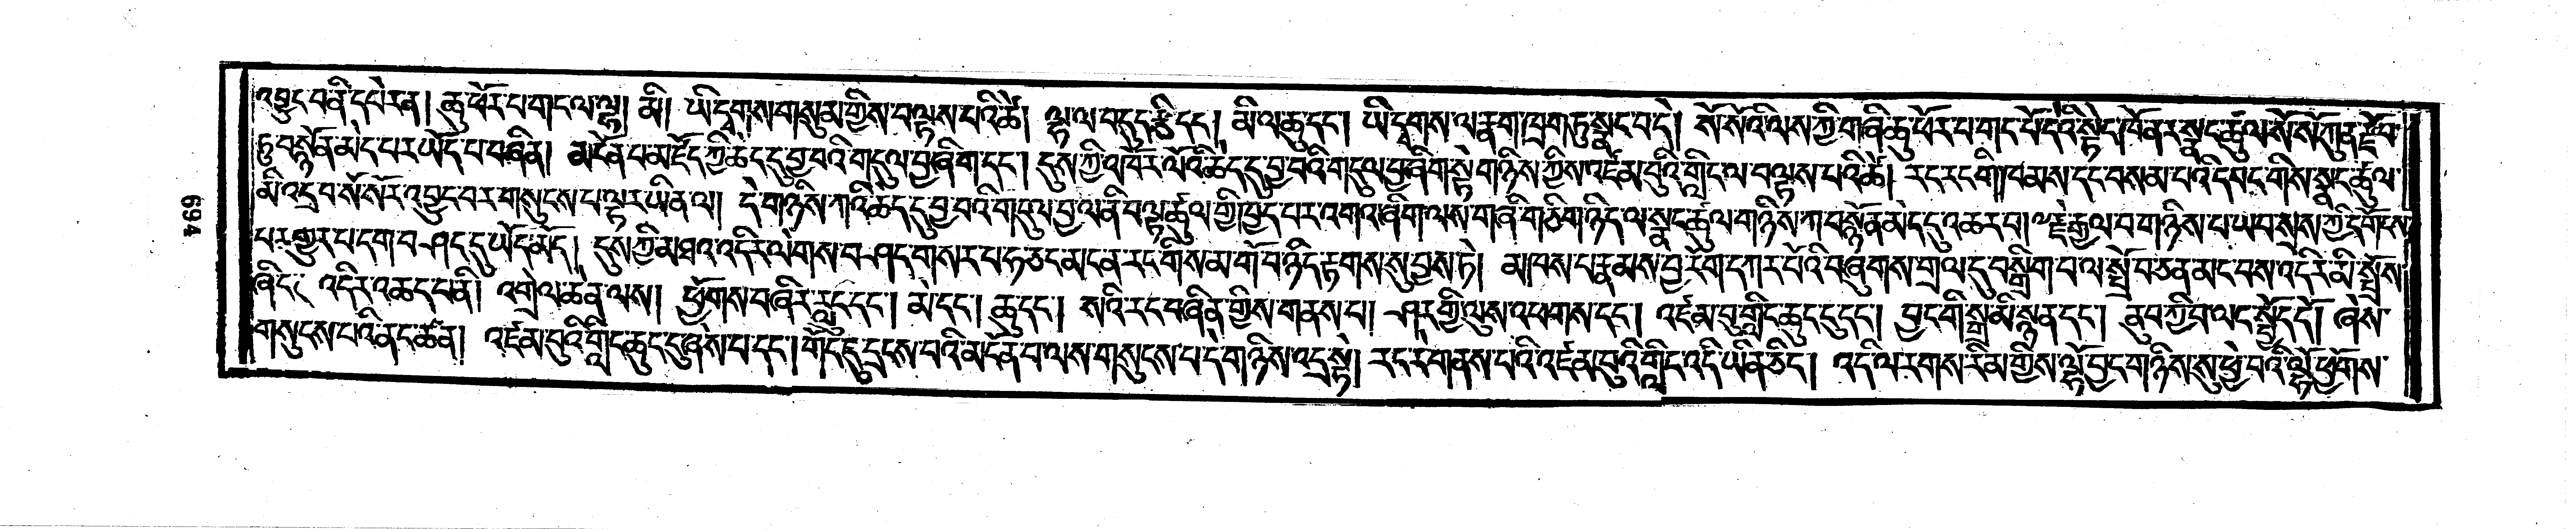འབྱུང་བ་ནི་དཔེར་ན། ཆུ་ཕོར་པ་གང་ལ་ལྷ། མི། ཡི་དྭགས་གསུམ་གྱིས་བལྟས་པའི་ཚེ། ལྷ་ལ་བདུད་རྩི་དང་། མི་ལ་ཆུ་དང་། ཡི་དྭགས་ལ་རང་ཁྲག་ཏུ་སྣང་བ་དེ། སོ་སོའི་ལས་ཀྱི་གཞི་ཆུ་ཕོར་པ་གང་པོ་དེའི་སྟེང་ཁོ་ནར་སྣང་ཚུལ་སོ་སོ་ཀུན་རྫོབ་
ཏུ་བསྙོན་མེད་པར་ཡོད་པ་བཞིན། མངོན་པ་མཛོད་ཀྱི་ཆེད་དུ་བྱ་བའི་གདུལ་བྱ་ཞིག་དང་། དུས་ཀྱི་འཁོར་ལོའི་ཆེད་དུ་བྱ་བའི་གདུལ་བྱ་ཞིག་སྟེ་གཉིས་ཀྱིས་འཛམ་བུའི་གླིང་ལ་བལྟས་པའི་ཚེ། རང་རང་གི་ཁམས་དང་བསམ་པའི་དབང་གིས་སྣང་ཚུལ་
མི་འདྲ་བ་སོ་སོར་འབྱུང་བར་གསུངས་པ་ལྟར་ཡིན་ལ། དེ་གཉིས་ཀའི་ཆེད་དུ་བྱ་བའི་གདུལ་བྱ་ལ་ནི་བལྟ་ཚུལ་གྱི་ཁྱད་པར་འགའ་ཞིག་ལས་གཞི་གཅིག་ཉིད་ལ་སྣང་ཚུལ་གཉིས་ཀ་བསྙོན་མེད་དུ་འཆར་བ། ༧་རྗེ་རྒྱལ་བ་གཉིས་པ་ཡབ་སྲས་ཀྱི་དགོངས་
པར་གྱུར་པ་དག་བཤད་དུ་ཡོད་མོད། དུས་ཀྱི་མཐའ་འདིར་ལེགས་བཤད་གསར་པ་ཧ་ཅང་མང་ན་རང་གིས་མ་གོ་བ་ཉིད་རྟགས་སུ་བྱས་ཏེ། མཁས་པ་རྣམས་བྱ་རོག་དཀར་པོའི་བཞུགས་གྲལ་དུ་བསྒྲིག་པ་ལ་སྤྲོ་བ་ཅན་མང་བས་འདིར་མི་སྤྲོས་
ཞིང༑ འདིར་འཆད་པ་ནི། འགྲེལ་ཆེན་ལས། ཕྱོགས་བཞིར་རླུང་དང་། མེ་དང་། ཆུ་དང་། སའི་རང་བཞིན་གྱིས་གནས་པ། ཤར་གྱི་ལུས་འཕགས་དང་། འཛམ་བུ་གླིང་ཆུང་ངུ་དང་། བྱང་གི་སྒྲ་མི་སྙན་དང་། ནུབ་ཀྱི་བ་ལང་སྦྱོད་དོ། ཞེས་
གསུངས་པའི་ནང་ཚན། འཛམ་བུའི་གླིང་ཆུང་དུ་ཞེས་པ་དང་། གོང་དུ་དྲངས་བའི་མངོན་པ་ལས་གསུངས་པ་དེ་གཉིས་འདྲ་སྟེ། རང་རེ་གནས་པའི་འཛམ་བུའི་གླིང་འདི་ཡིན་ཅིང་། འདི་ལ་རགས་རིམ་གྱིས་ལྷོ་བྱང་གཉིས་སུ་ཕྱེ་བའི་ལྷོ་ཕྱོགས་